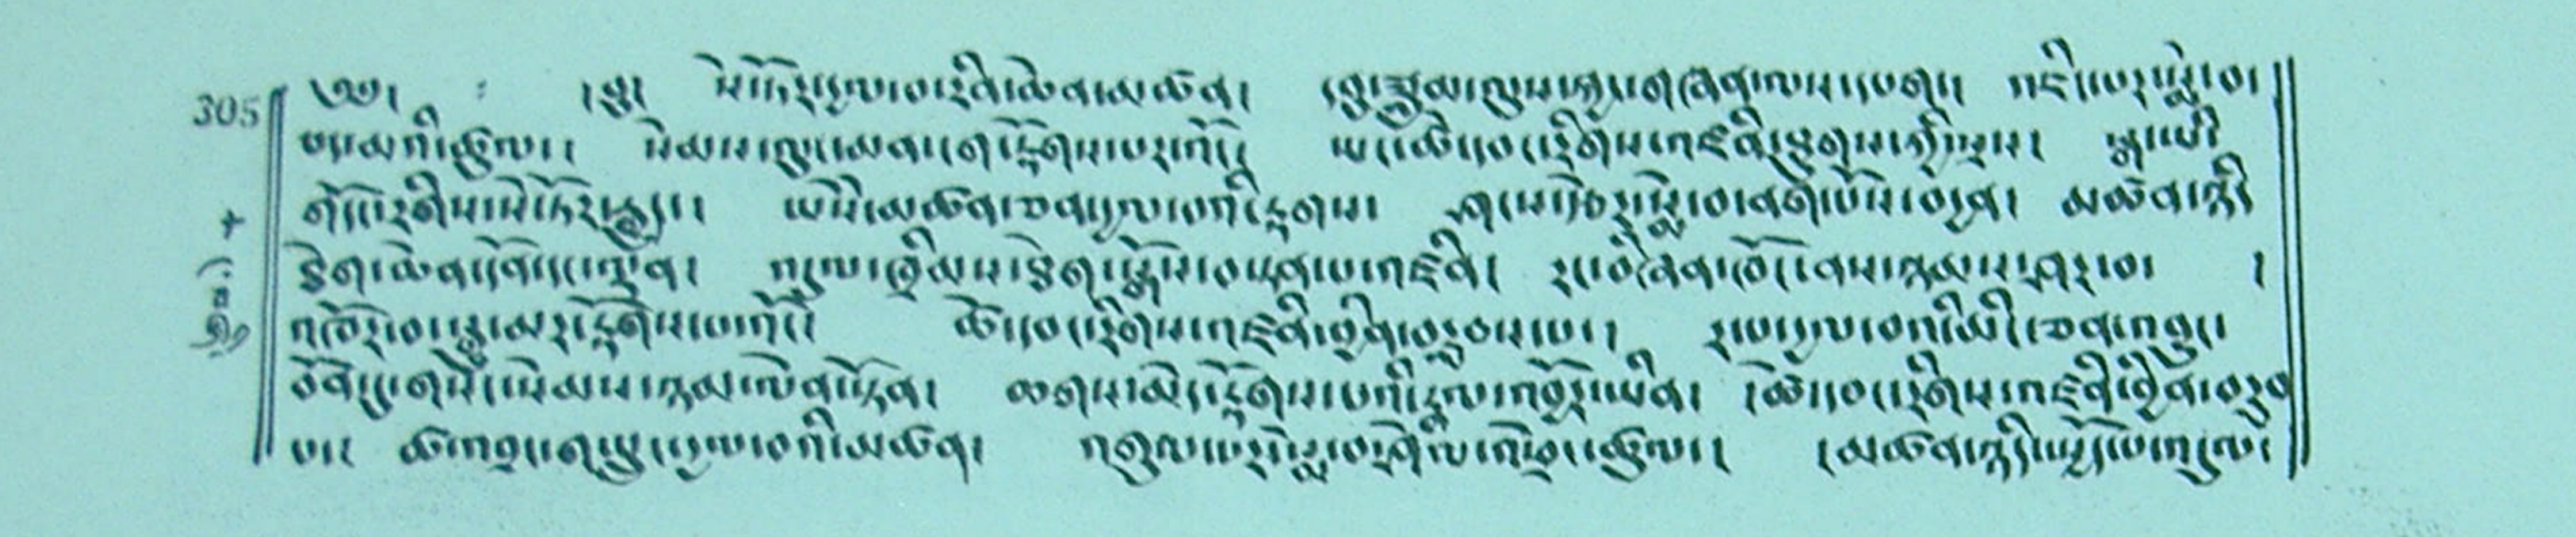༄༅། །བུ། སེ་ཏོར་རྒྱལ་བ་རིན་ཆེན་མཚན། དབུ་ཟླུམ་ལུས་ཀྱང་གཞན་ལས་འཕགས། འཇིང་པར་སྨེ་བ་
པད་མའི་ཚུལ། སེམས་ལུང་མན་ངག་རྟོགས་པ་འོང་། ཡང་ཚེ་དབང་རིགས་འཛིན་ཐུགས་ཀྱི་སྲས། སྒ་ཡི་
གདོང་རིགས་སེ་ཏོར་རྒྱུད། ཡེ་ཤེས་མཚན་ཅན་རྒྱལ་བའི་རྟགས། ཤངས་རྩེར་སྨེ་བ་ནག་པོས་བརྒྱན། མཚན་ཉིད་
ཐེག་ཆེན་དོན་དང་ལྡན། འདུལ་ཁྲིམས་ཐེག་སྒོས་བསྟན་པ་འཛིན། རང་བཞིན་ཁོང་ནས་ཉམས་ཤར་བས། 
འཁོར་བ་སྒྱུ་མར་རྟོགས་པ་འོང་། ཚེ་དབང་རིགས་འཛིན་བྱིན་རླབས་ལས། ར་པ་རྒྱལ་བའི་མིང་ཅན་འབྱུང་། 
བོན་དུ་གསང་སེམས་ཉམས་ལེན་སྟོན། ཆགས་མེད་རྟོགས་པའི་རྣལ་འབྱོར་ཡིན། ཚེ་དབང་རིགས་འཛིན་བྱིན་རླབས་
པ། ཚ་འབྲང་གཡུང་དྲུང་རྒྱལ་བའི་མཚན། མགུལ་བར་སྨེ་བ་ཤེལ་འཕྲེང་ཚུལ། མཚན་ཉིད་སྤྱོད་པ་འདུལ་